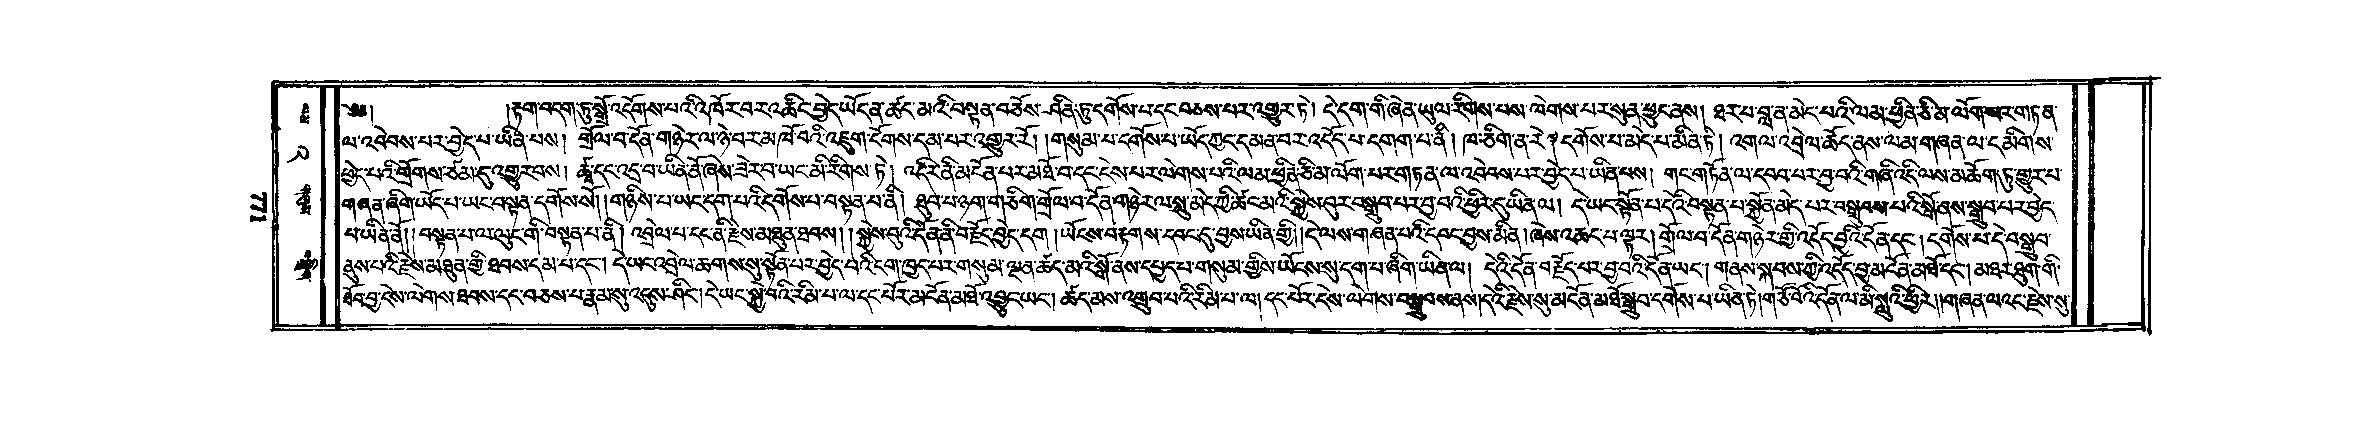༄༅། །རྟག་བདག་ཏུ་སྒྲོ་འདོགས་པའི་འཁོར་བར་འཆིང་བྱེད་ཡོད་ན་ཚང་མའི་བསྟན་བཅོས་ཤིན་ཏུ་དགོས་པ་དང་བཅས་པར་འགྱུར་ཏེ། དེ་དག་གི་ཞེན་ཡུལ་རིགས་པས་ལེགས་པར་སུན་ཕྱུང་ནས། ཐར་པ་བླ་ན་མེད་པའི་ལམ་ཕྱིན་ཅི་མ་ལོག་སར་གཏན་
ལ་འབེབས་པར་བྱེད་པ་ཡིན་པས། གྲོལ་བ་དོན་གཉེར་ལ་ཉེ་བར་མཁོ་བའི་འཇུག་ངོགས་དམ་པར་འགྱུར་རོ། །གསུམ་པ་དགོས་པ་ཡོད་ཀྱང་དམན་པར་འདོད་པ་དགག་པ་ནི། ཁ་ཅིག་ན་རེ་༈ དགོས་པ་མེད་པ་མིན་ཏེ། འགལ་འབྲེལ་ཆོད་ནས་ལམ་གཞན་ལ་དམིགས་
ཕྱེད་པའི་གྲོགས་ཙམ་དུ་འགྱུར་བས། ཚྭ་དང་འདྲ་བ་ཡིན་ནོ་ཞེས་ཟེར་བ་ཡང་མི་རིགས་ཏེ། འདིར་ནི་མངོན་པར་མཐོ་བ་དང་ངེས་པར་ལེགས་པའི་ལམ་ཕྱིན་ཅི་མ་ལོག་པར་གཏན་ལ་འབེབས་པར་བྱེད་པ་ཡིན་པས། གང་གཏོན་ལ་དབབ་པར་བྱ་བའི་གཞི་འདི་ལས་མཆོག་ཏུ་གྱུར་པ་
གཞན་ཞིག་ཡོད་པ་ཡང་བསྟན་དགོས་སོ། །གཉིས་པ་ཡང་དག་པའི་དགོས་པ་བསྟན་པ་ནི། ཐུབ་པ་ཉག་གཅིག་གྲོལ་བ་དོན་གཉེར་ལ་སླུ་མེད་ཀྱི་ཚང་མའི་སྐྱེས་བུར་བསྒྲུབ་པར་བྱ་བའི་ཕྱིར་དུ་ཡིན་ལ། དེ་ཡང་སྟོན་པ་དེའི་བསྟན་པ་སྐྱོན་མེད་པར་བསྒྲུབས་པའི་སྒོ་ནས་སྒྲུབ་པར་བྱེད་
པ་ཡིན་ནོ། །བསྟན་པ་ལ་ལུང་གི་བསྟན་པ་ནི། འབྲེལ་པ་དང་ནི་རྗེས་མཐུན་ཐབས། །སྐྱེས་བུའི་དོན་ནི་བརྗོད་བྱེད་དག །ཡོངས་བརྟགས་དབང་དུ་བྱས་ཡིན་གྱི། །དེ་ལས་གཞན་པའི་དབང་བྱས་མིན། ཞེས་འཆད་པ་ལྟར། གྲོལ་བ་དོན་གཉེར་གྱི་འདོད་བྱའི་དོན་དང་། དགོས་པ་དེ་བསྒྲུབ་
ནུས་པའི་རྗེས་མཐུན་གྱི་ཐབས་དམ་པ་དང་། དེ་ཡང་འབྲེལ་ཆགས་སུ་སྟོན་པར་བྱེད་པའི་ངག་ཁྱད་པར་གསུམ་ལྡན་ཚད་མའི་སྒོ་ནས་དཔྱད་པ་གསུམ་གྱིས་ཡོངས་སུ་དག་པ་ཞིག་ཡིན་ལ། དེའི་དོན་བརྗོད་པར་བྱ་བའི་དོན་ཡང་། གནས་སྐབས་ཀྱི་འདོད་བྱ་མངོན་མཐོ་དང་། མཐར་ཐུག་གི་
ཐོབ་བྱ་ངེས་ལེགས་ཐབས་དང་བཅས་པ་རྣམས་སུ་འདུས་ཤིང་། དེ་ཡང་སྐྱེ་བའི་རིམ་པ་ལ་དང་པོར་མངོན་མཐོ་འབྱུང་ཡང་། ཚད་མས་འགྲུབ་པའི་རིམ་པ་ལ། དང་པོར་ངེས་ལེགས་བསྒྲུབས་ནས། དེའི་རྗེས་སུ་མངོན་མཐོ་སྒྲུབ་དགོས་པ་ཡིན་ཏེ། གཙོ་བོའི་དོན་ལ་མི་སླུའི་ཕྱིར། །གཞན་ལའང་རྗེས་སུ་